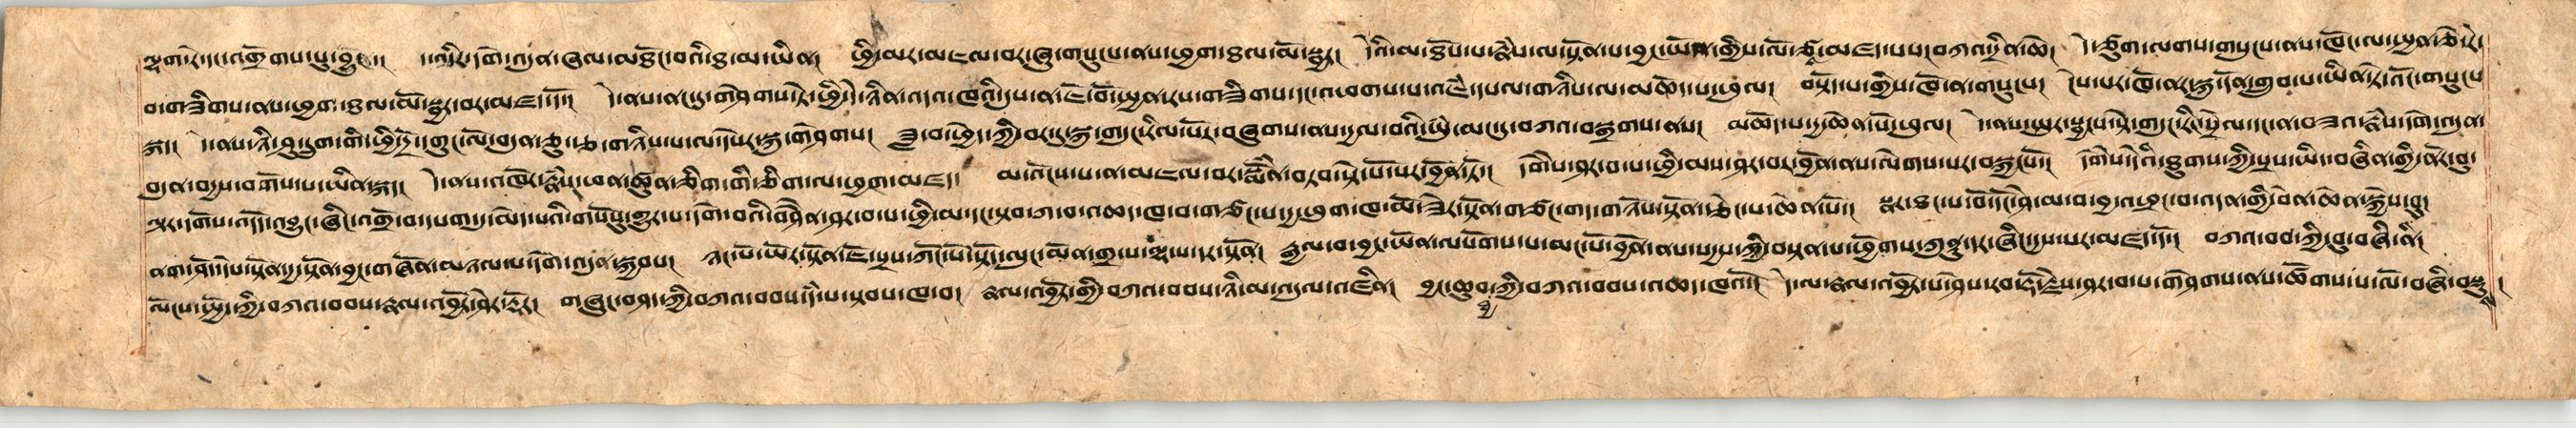ལྷག་རེ་དང་འགྲོགས་སུ་བྱུང་། ད་འདིར་དགེ་འདུན་ཞལ་མཐོང་བའི་ཐ་མ་ཡིན། ཕྱི་མར་མཇལ་བར་ཞུ་གསུངས་ནས་ཕྱག་ཐལ་མོ་སྦྱར། དེའི་མ་ཐོས་པ་རྣཾས་ལ་སྟོན་པ་བྱང་ཡོན་གྱིས་ལོཙཱ་མཛད་པས་བཀའ་དྲིན་ཆེ། དེ་ཙུག་ལགས་གསུངས་ནས་ཁོང་ལ་སྤྱན་ཅེ་རེ་
བ་གཟིགས་ནས་ཕྱག་ཐལ་མོ་སྦྱར་བར་མཛད་དོ། དེ་ནས་ནང་དུ་གཤེགས་ཏེ་ཕྱི་དེ་ཉིན་འདའ་ཁའི་དུས་ན་ཇོ་བོ་སྤྱན་རས་གཟིགས་དང་འཕགས་པ་འཇཾ་དཔལ་གཉིས་ལ་མཆོད་པ་ཕུལ། བསྟོད་པ་གྱིས་ཁོ་ན་གསུངས། ངེས་པ་ཁོ་ནར་སྐུ་དོན་གྲུབ་པ་ཡིན་ཏེ་འོང་གསུངས
སྐད། དེ་ནས་ཉི་ཤུ་དྲུག་གི་ཕྱི་དྲོ་དགུང་ལོ་བདུན་ཅུ་རྩ་གཉིས་པ་ལ་དཔེར་སྐུ་གཤེགས། ཟླ་བ་ཕྱེད་ཀྱི་བར་དུ་སྐུ་གདུང་རིལ་པོར་བཞུགས་ནས་དྱལ་བའི་ཡུཾ་མང་དུ་བཀའ་བསྒྲགས་ནས། མཆོད་པ་དྱ་ཆེན་པོ་ཕུལ། དེ་ནས་སྤུར་སྦྱངས་ཏེ་གདུང་དང་རིང་སྲེལ་དང་ན་བཟའ་རྣཾས་དགེ་འདུན་
བདུན་བདྱས་བགོས་པ་ཡིན་སྐད། དེ་ནས་འཁོར་རྣཾས་ཕན་ཚུན་ཅིག་གི་ཅིག་ལ་ཕྱག་མཛད། མ་འོངས་པ་ན་མཇལ་བར་སྨོཾན་བཏབ་སྟེ་སོ་སོར་བྱོན་ཏོ། དགཻས་ཤར་བ་པ་ཕྱི་མས་ཤར་བར་བྱོན་ནས་ལེགས་པར་བསྐྱངསོ། དགཻས་དེའི་ཐུགས་ཀྱི་སྲས་ཡིད་བཞིན་གྱི་ནོར་བུ་
ལྟར་དགོས་འདོད་འབྱུང་ཞིང་འགྲོ་བ་དཔག་དུ་མེད་པའི་གསོསུ་གྱུར་པ་དགེ་བའི་བཤཻན་ཤར་བ་པ་ཕྱི་མ་དང་སྟབ་ཀ་བ་འཆད་ཁ་བ་གཙང་པ་དྱ་ཕུག་ཁ་མོ་ཟེར་སྟོན་གཙང་གད་གཉོས་སྟོན་རྩེང་པ་ཆེན་པོ། སྣར་ཐང་པ་བོ་དོང་ཤེ་མ་བ་བྱ་འཕྲང་བ་འདན་གྱི་བེན་ཆེན་སྐྱེས་བུ།
ནགས་ཤོད་དཔེ་སྟོན་དྱ་སྟོན་བྱང་གཞོན་མཉལ་པ་དགེ་འདུན་སྐྱབས། ཉང་པོ་ཡོར་སྟོན་ཇོ་སྲས་ཀོང་པོ་སྟོད་ལུང་མོན་གྲ་པ་ལྷ་པ་དར་སྟོན། རྒྱལ་བ་བྱང་ཡོན་ལསོགས་པ་མང་པོ་བྱོན་ནས་སདྱས་ཀྱི་བསྟན་པ་ཕྱོགས་ཀུནྟུ་དར་ཞིང་དྱས་པར་མཛད་དོ། བཀའ་བབ་ཀྱི་བུ་བཞི་ནི།
ལོངས་སྤྱོད་ཀྱི་བཀའ་བབས་རྣལ་འབྱོར་ཤེར་རྡོར། གཞུང་བཤད་ཀྱི་བཀའ་བབས་དཾ་པ་སྟབས་ཁ་བ། རྣལ་འབྱོར་གྱི་བཀའ་བབས་ཉི་མ་འདུལ་འཛིན། བྱང་ཆུབ་ཀྱི་བཀའ་བབས་འཆད་ཁའོ་། དེ་ལ་རྣལ་འབྱོར་པ་ཤེས་རབ་རྡོ་རྗེས་ཤར་བ་པ་གཤེགས་ནས་ཚོགས་པ་ལོ་བཞི་བསྡུས།